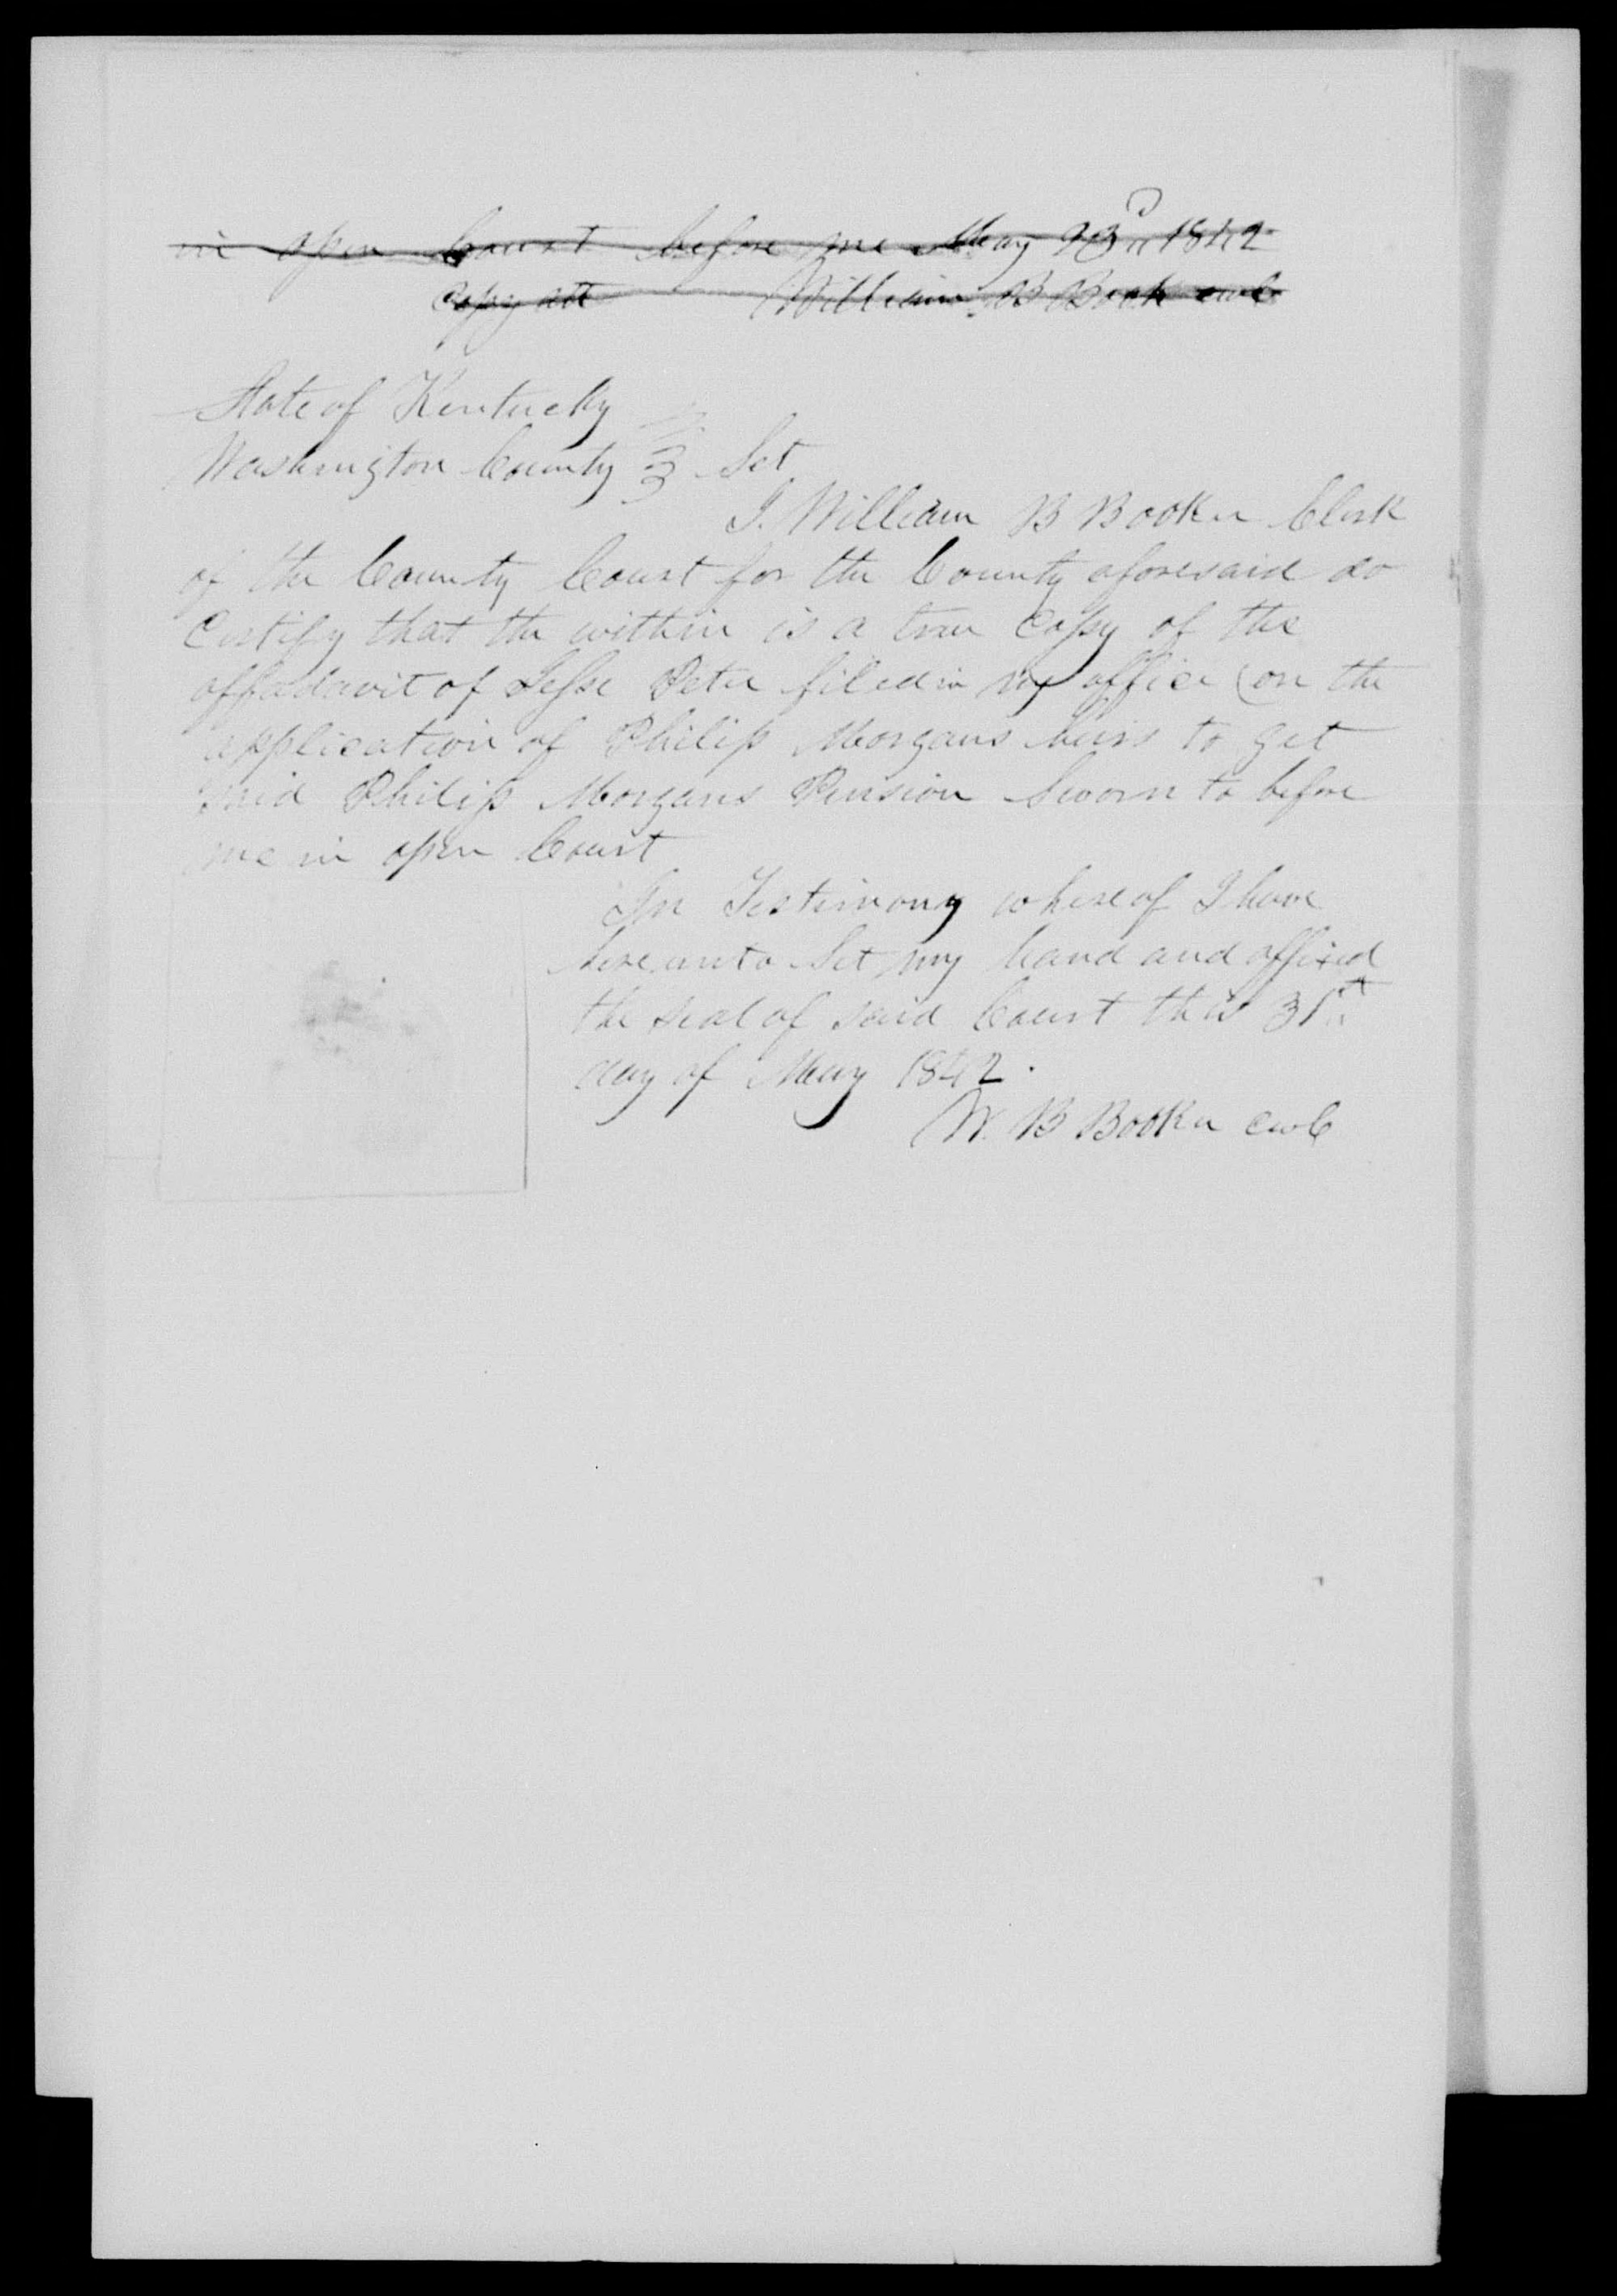[in open Court before me May 28 1842 copy att William B Booker cwC] [crossed out]
State of Kentucky
Washington County Sct
I William B Booker Clerk
of the County Court for the County aforesaid do
Certify that the within is a true copy of the
affadavit of Jesse Peter filed in my office on the
application of Philip Morgans heirs to get
said Philip Morgans Pension Sworn to before
me in open Court
In Testimony whereof I have
hereunto Set my hand and affixed
the seal of said Court this 31st
day of May 1842. 
W B Booker cwC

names: Jesse Peter; William B Booker; Philip Morgan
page: 4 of 16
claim: rejected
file: R 7386, for Philip Morgan, Georgia